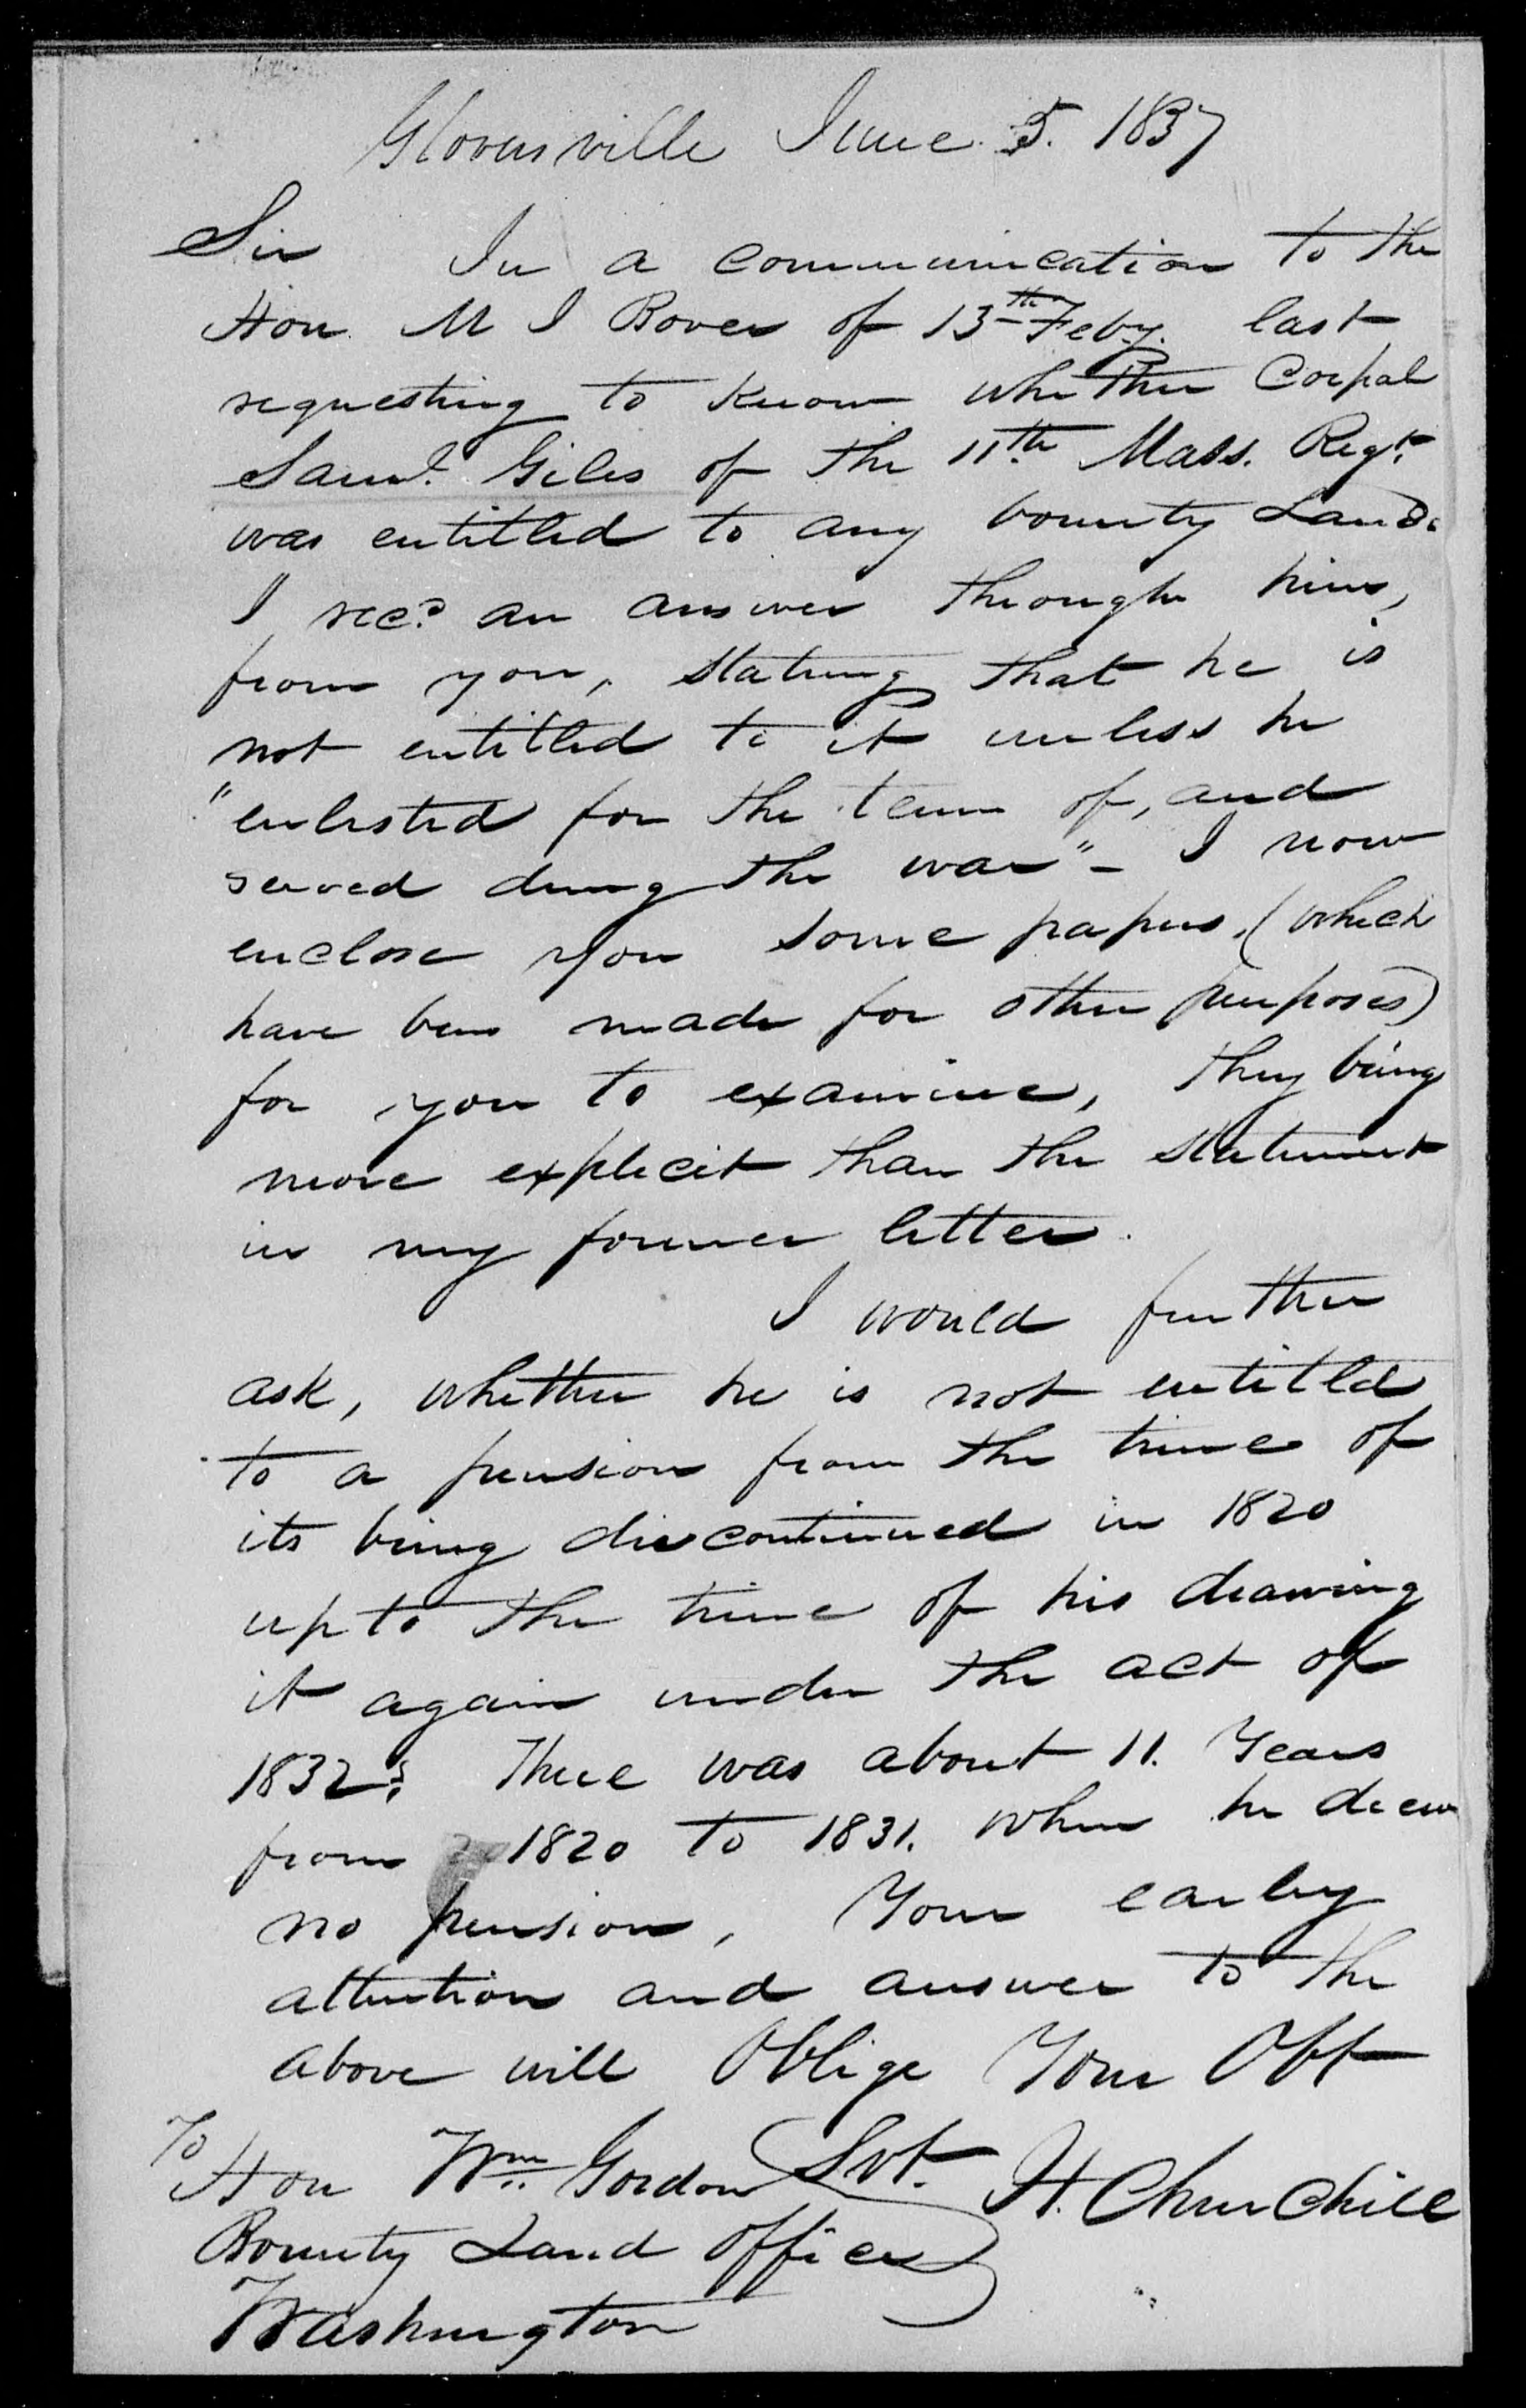[handwritten]
Gloversville June 5. 1837
Sir
In a communication
Hon M J Bover of 13th Feb last
requesting to know whether Corpal
Saml Giles of the 11th Mass. Regt
was entitled to any County Land.
I recd an answer through him,
from you, stating that he is
not entitled to it unless he
"enlisted for the term of, and
served during the war" - I now enclose you
some papers, (which
have been made for other purposes
for you to examine, they being
more explicit than the statement
in my former letter
I would further
ask, whether he is not entitled
to a pension from the time of
its being discontinued in 1820
up to the time of his drawing
it again under the act of
1832.  There was about 11 years
from 1820 to 1831, when he drew no pension.
Your early
attention and answer to the
above will oblige your [illegible]
Hon Wm Gordon 
Svt.
-
To
Churchill
Bounty Land Office
Washington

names: Saml Giles, Wm Gordon, M J Rover, H Churchill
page: 55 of 55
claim: widow's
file: W. 19503, Samuel Giles, Conti. Mass. New York